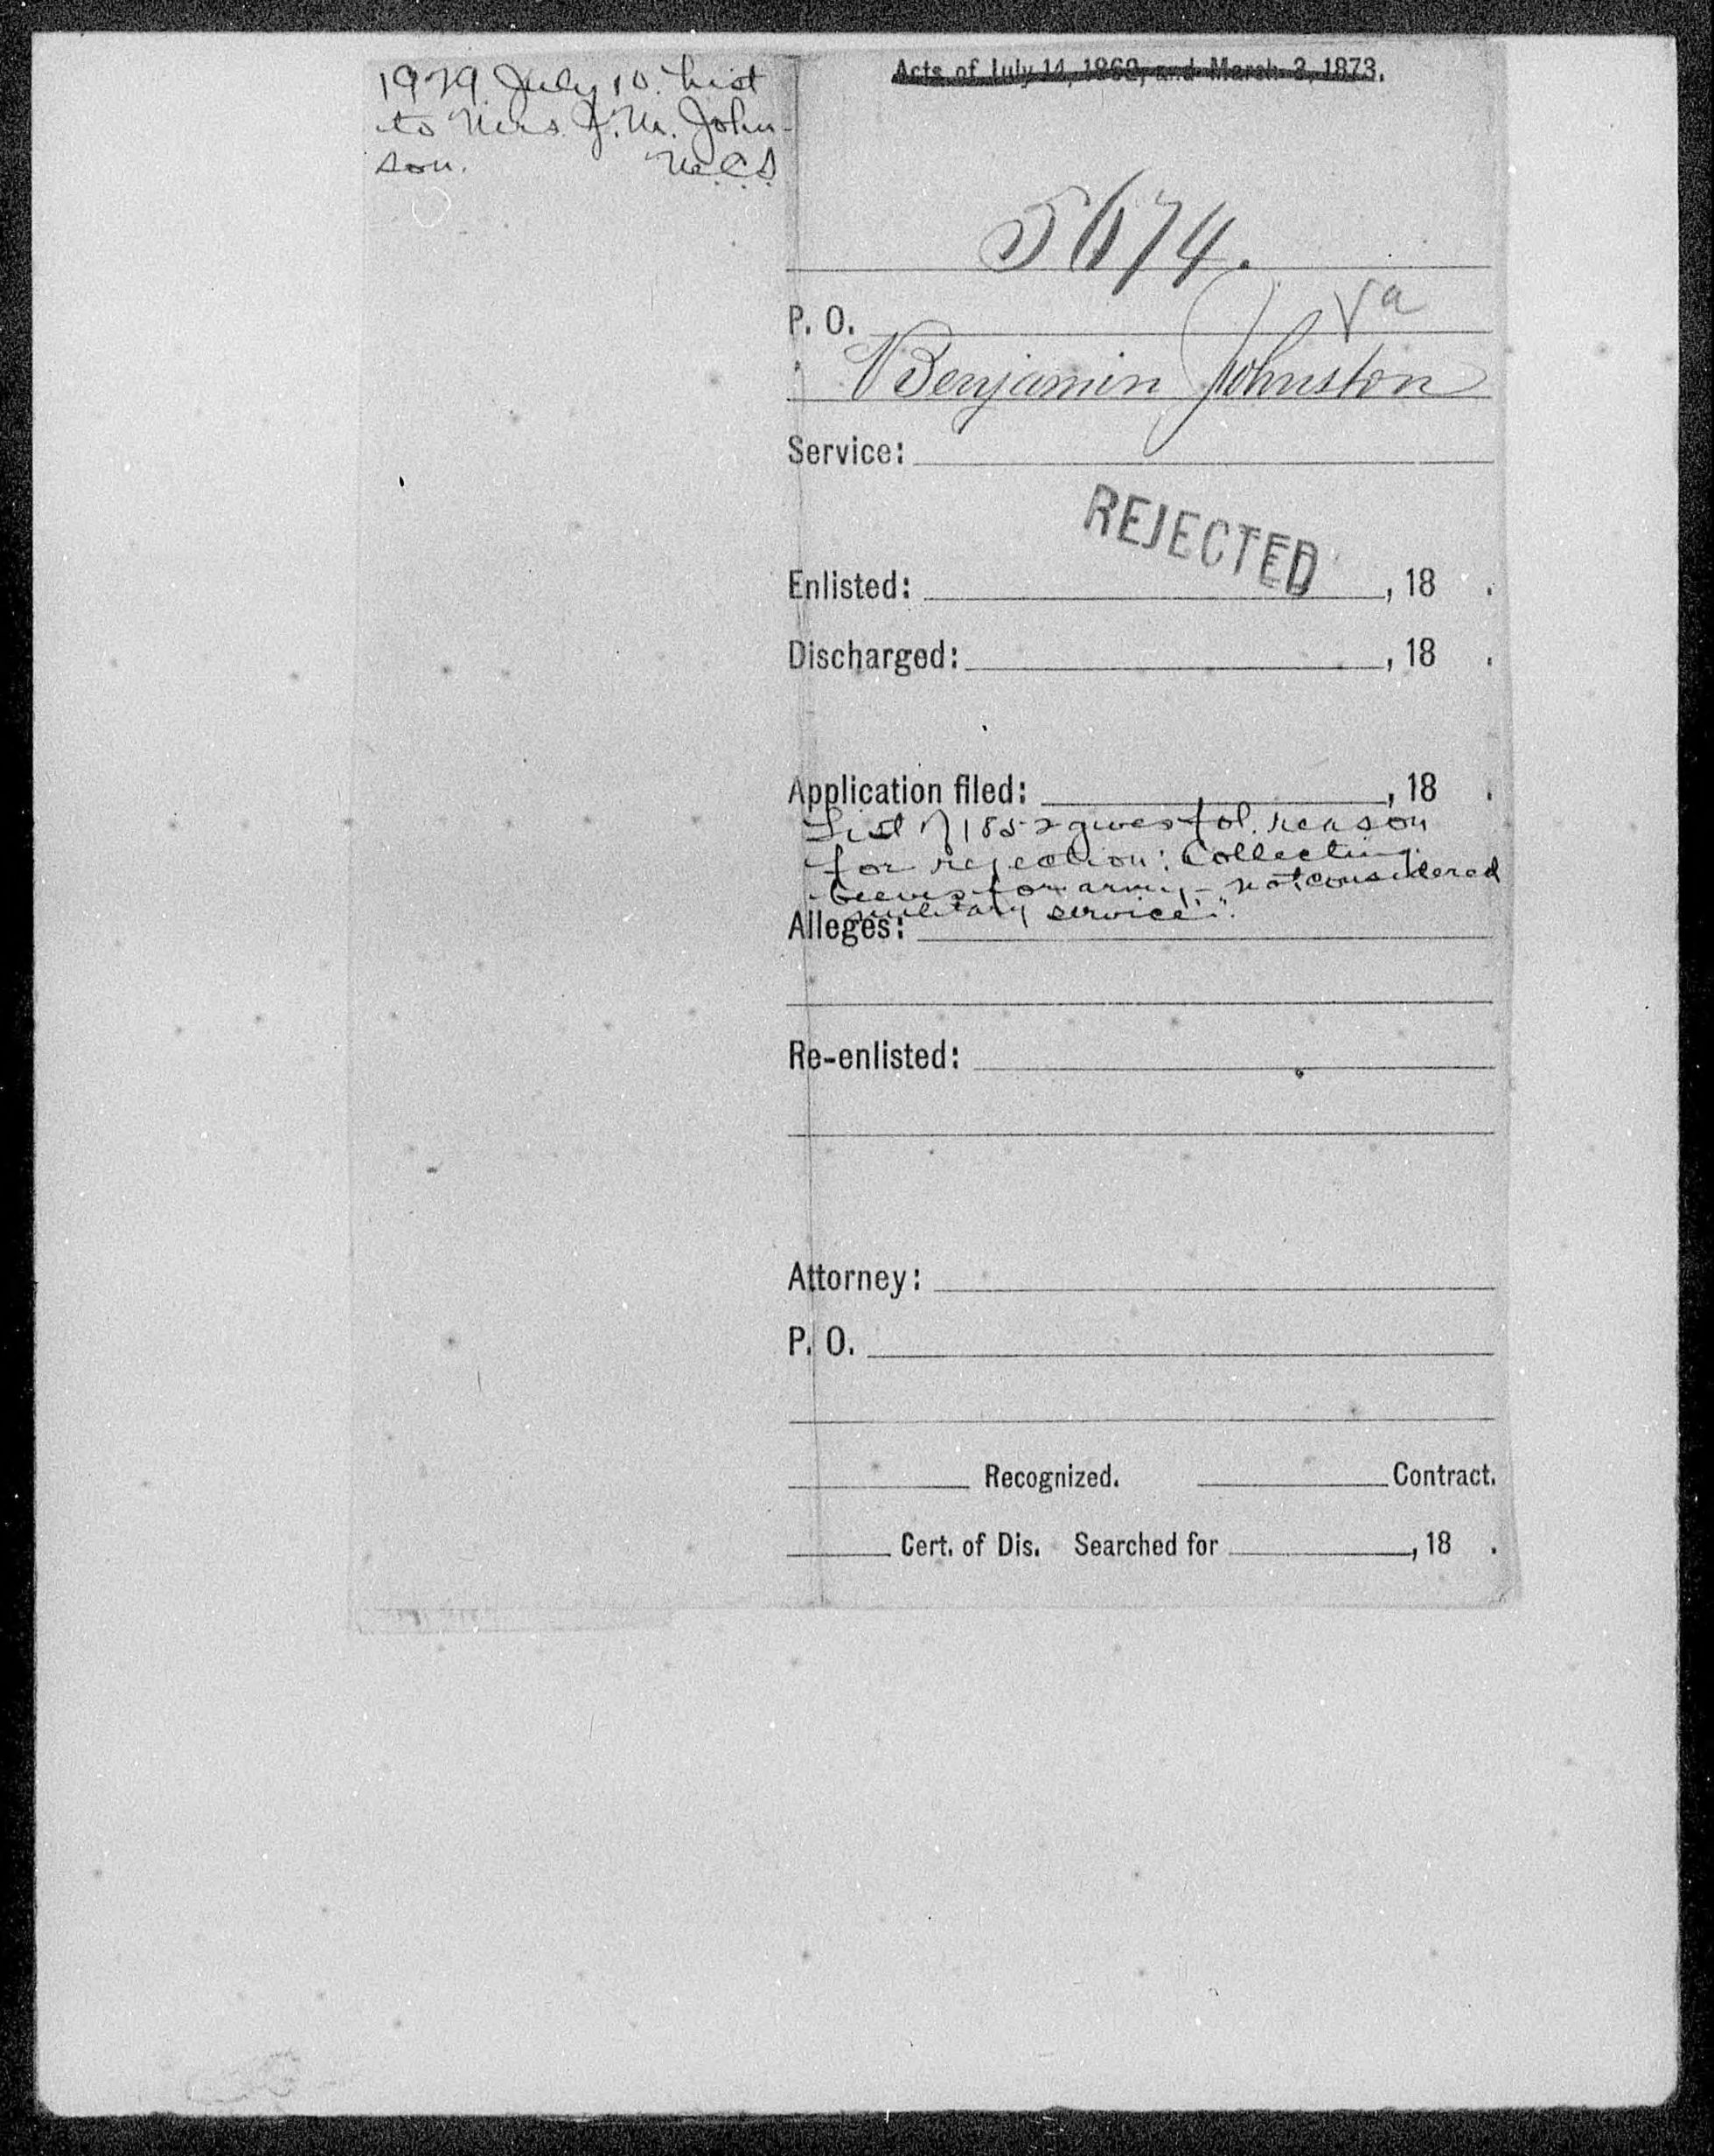1979. July 10. hist to Mrs. J.W. Johnson. va CS 

5674 

P.O. Benjamin Johnson 
Service: 

Enlisted: Rejected [stamped] , 18 
Discharged:  , 18 

Application filed:  , 18 

List of 182 request of reason for rejection: collecting grievances for army- not considered military service  

Alleges: 
Re-enlisted:  

Attorney: 
P.O.:  

Recognized.       Contract. 
Cert. of Dis.        Searched for  , 18.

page: 8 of 17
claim: rejected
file: R. 5674, for Benjamin Johnson, Virginia